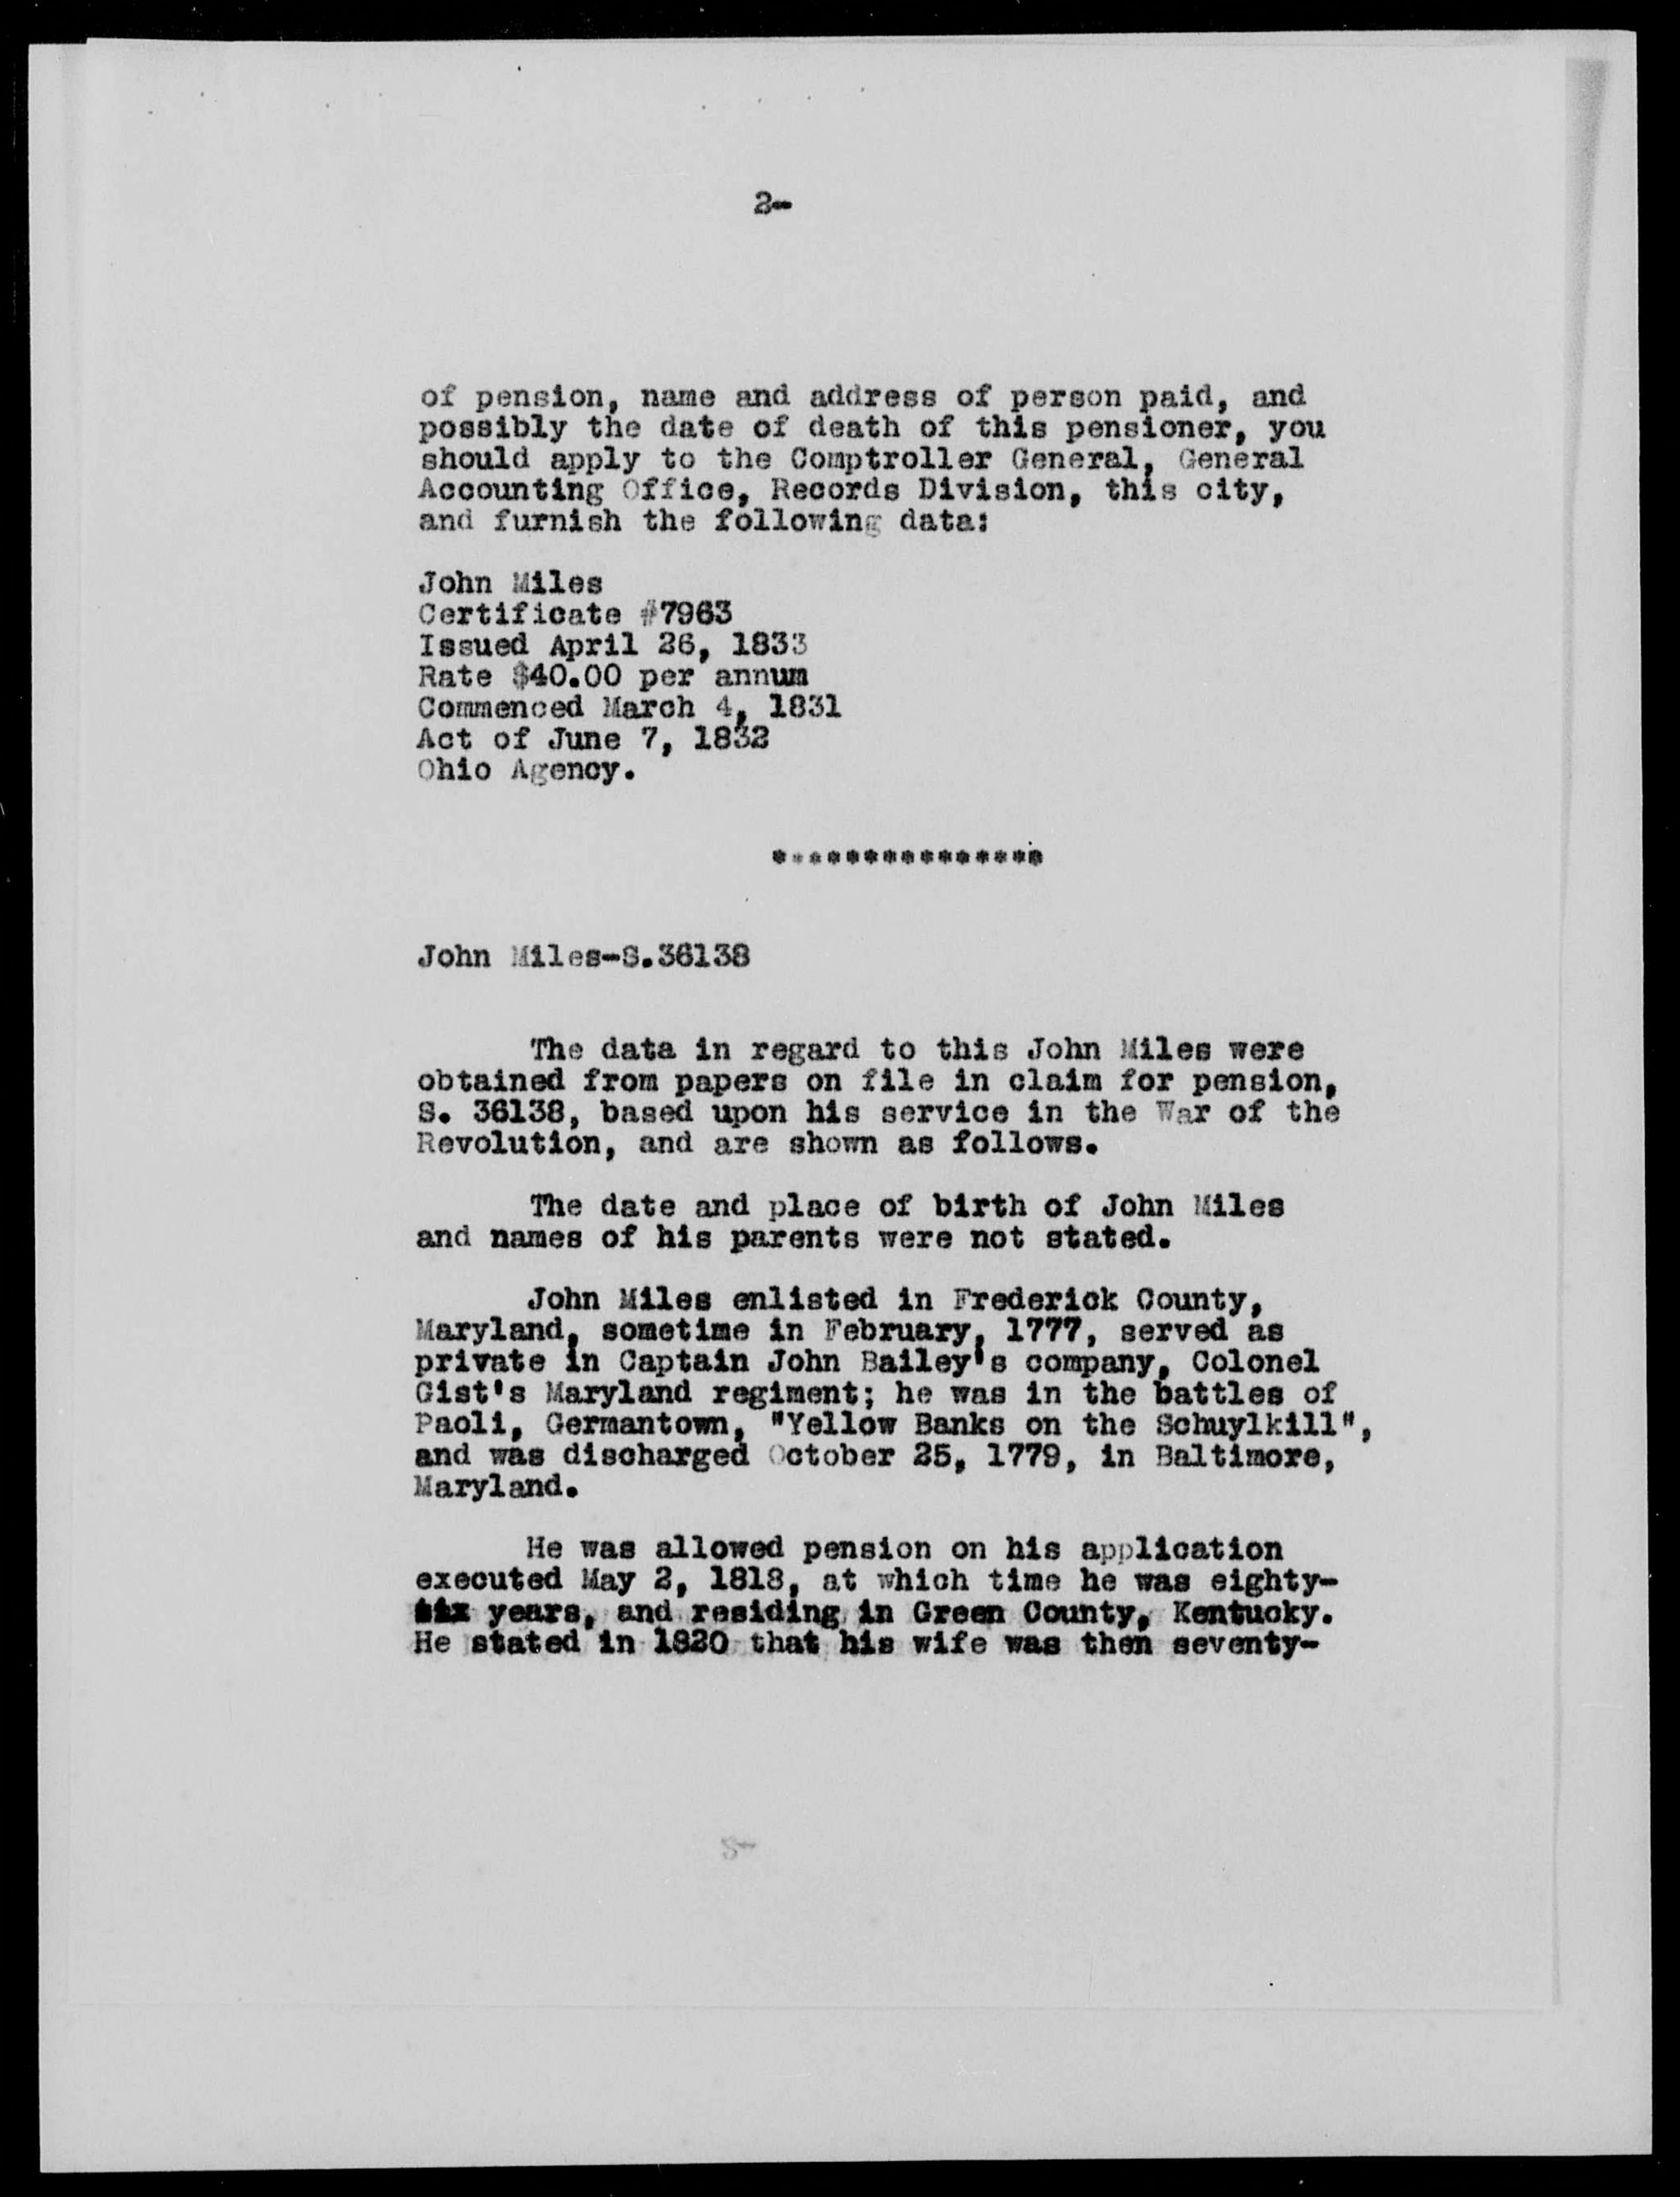of pension, name and address of person paid, and posisbly the date of death of this pensioner, you should apply to the Comptroller General, General Accounting Office, Records Division, this city and furnish the following data:

John Miles
Certificate #7963
Issued April 26, 1833
Rate $40.00 per annum
Commenced March 4, 1831
Act of June 7, 1832
Ohio Agency

John Miles-S. 36138

The data in regard to this John Miles were obtained from papers on file in claim for pension, S. 36138, based upon his service in the War of the Revolution, and are shown as follows.

The date and place of birth of John Miles and names of his parents were not stated.

John Miles enlisted in Frederick County, Maryland, sometime in February 1777, served as private in Captain John Bailey's company, Colonel Gist's maryland regiment; he was in the battles of Paoli, Germantown, "Yellow Bands of the Schuylkill", and was discharged October 25, 1779, in Baltimore, Maryland.

He was allowed pension on his application executed May 2, 1818, at which time he was eighty-six years, and residing in Green County, Kentucky. He stated in 1820 that his wife was then seventy-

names: John Miles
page: 12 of 24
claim: survivor's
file: S 36138, for John Miles, Maryland